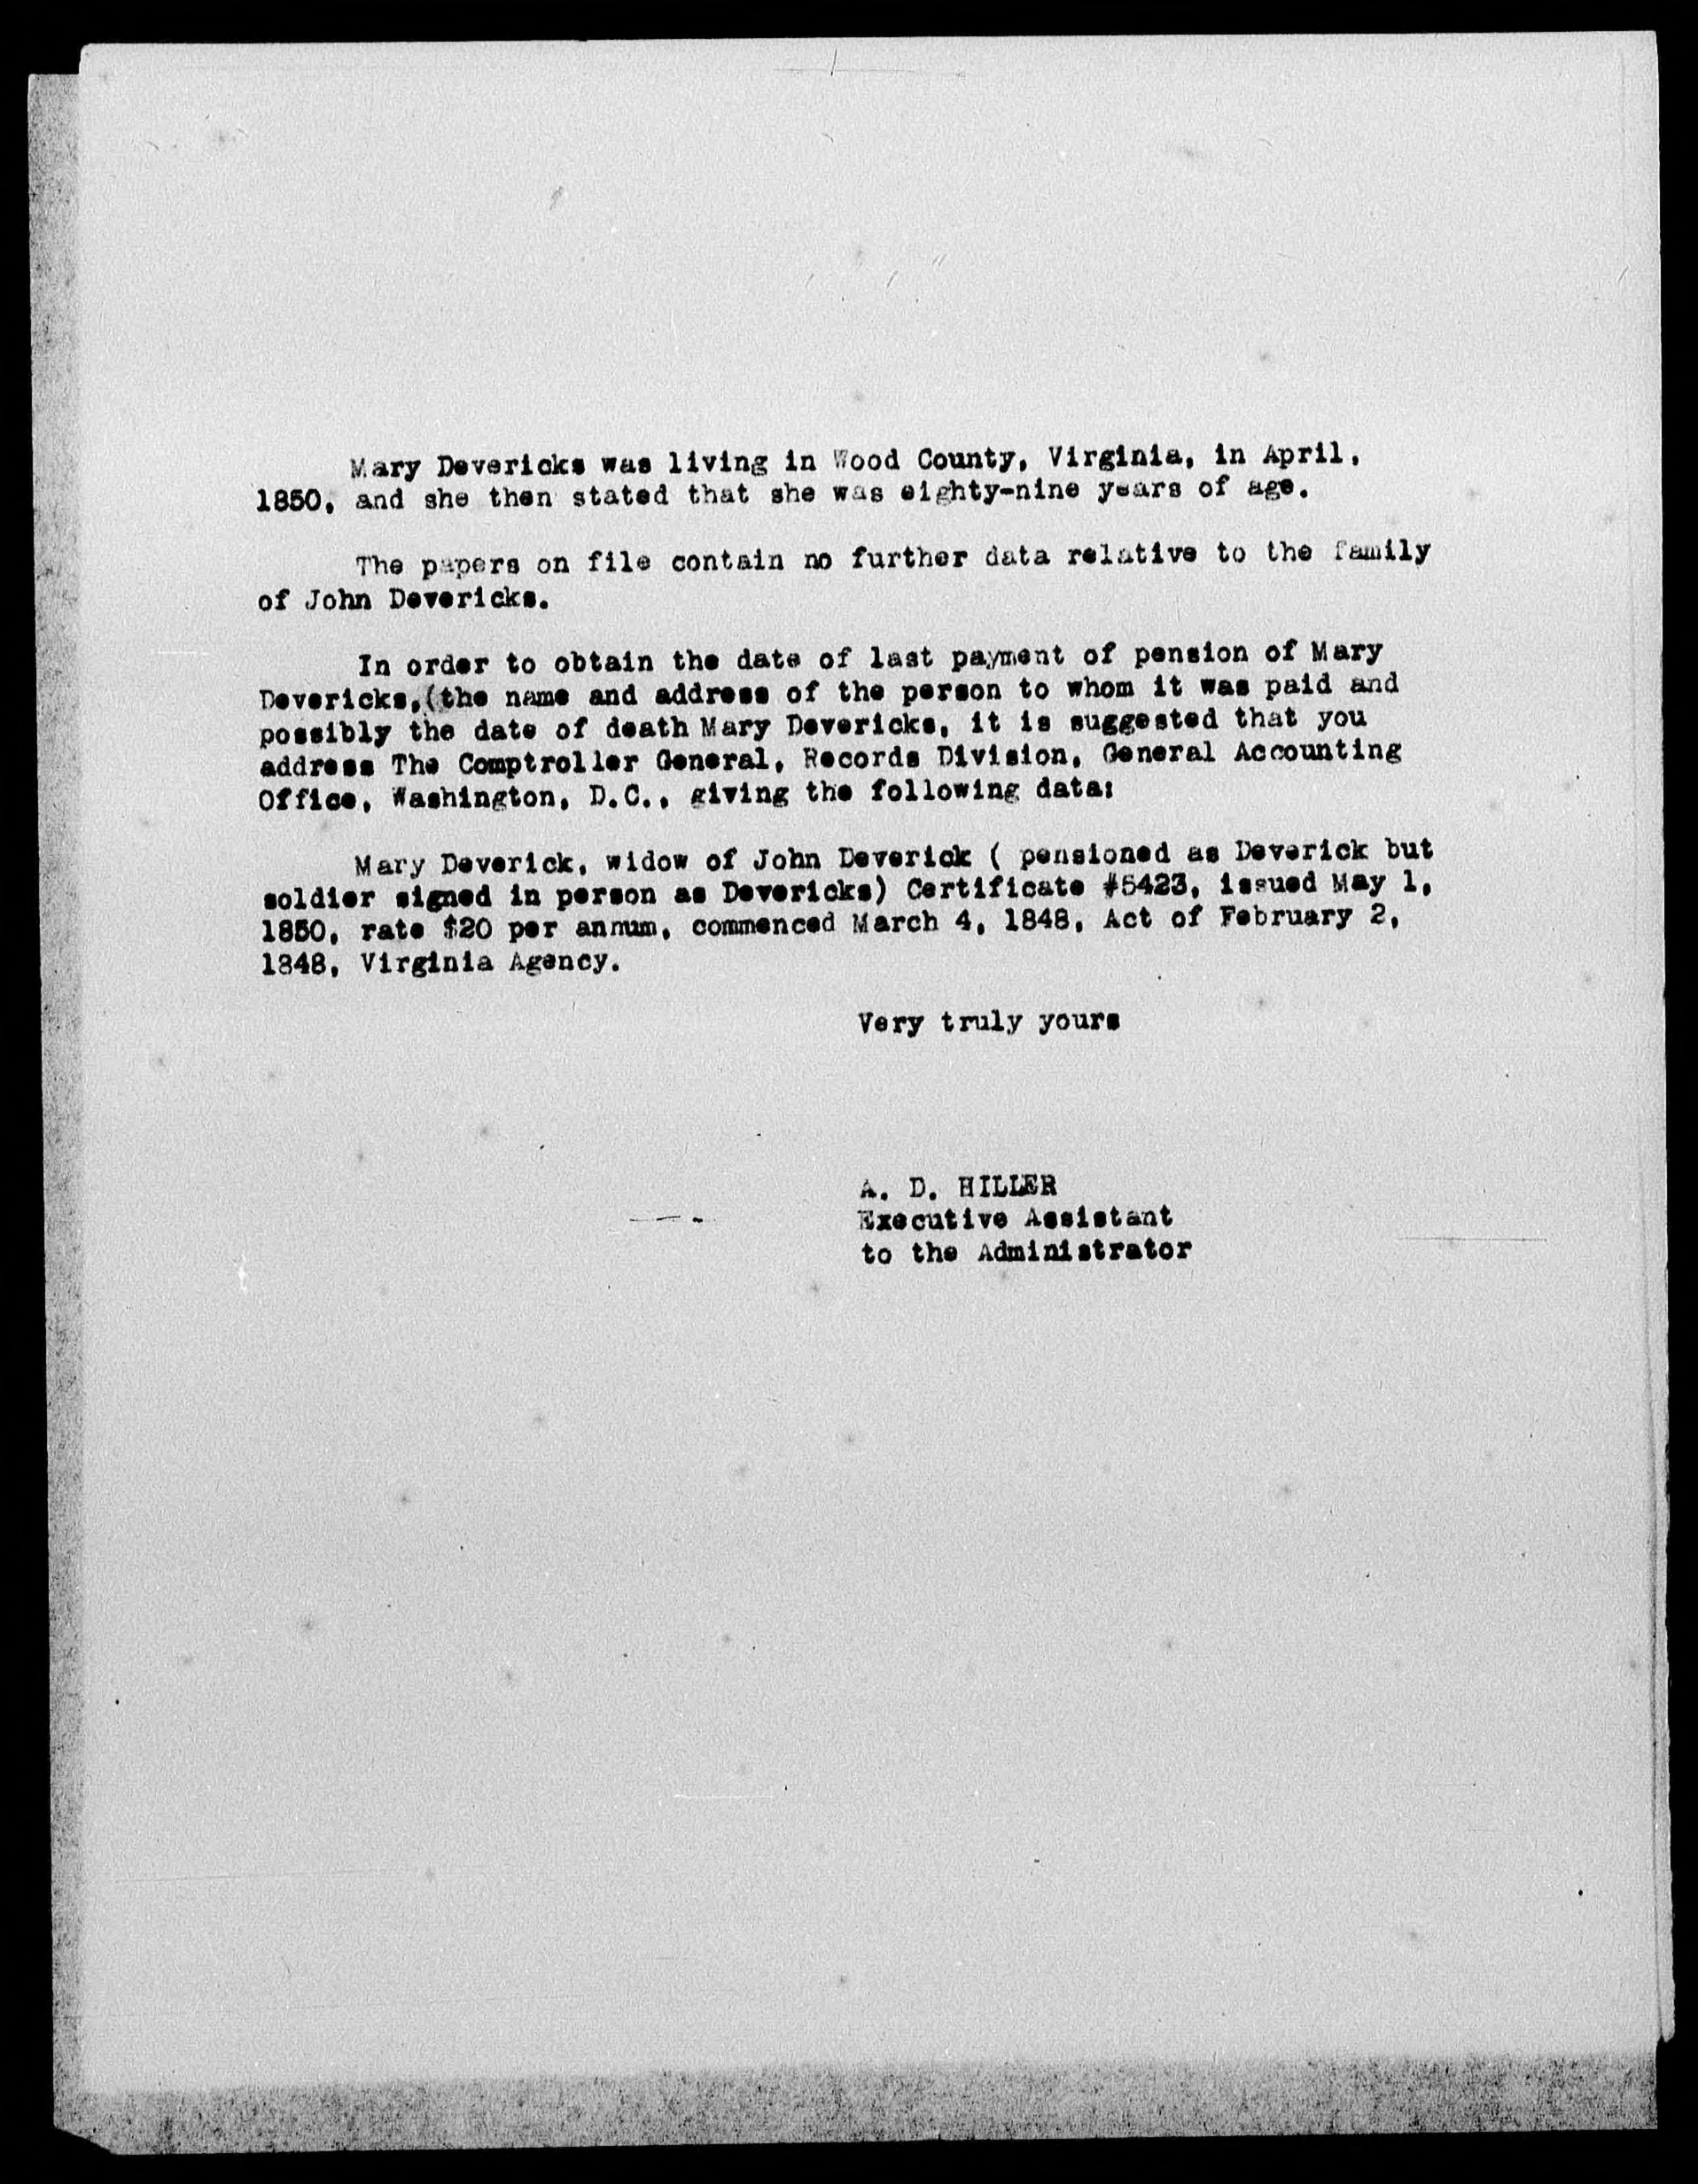Mary Devericks was living in Wood County, Virginia, in April, 1850, and she then stated that she was eighty-nine years of age.

The papers on file contain no further data relative to the family of John Devericks.

In order to obtain the date of last payment of pension of Mary Devericks, (the name and address of the person to whom it was paid and possibly the date of death Mary Devericks, it is suggested that you address The Comptroller General, Records Division, General Accounting Office, Washington, D. C., giving the following data:

Mary Deverick, widow of John Deverick (pensioned as Deverick but soldier signed in person as Devericks) Certificate #5423, issued May 1, 1850, rate $20 per annum, commenced March 4, 1848, Act of February 2, 1848, Virginia Agency.

Very truly yours

A. D. Hiller
Executive Assistant to the Administrator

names: John Devericks, Mary Devericks, Mary Devericks, Deverick, Mary Devericks, Devericks, A D Hiller, John Deverick, Mary Deverick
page: 13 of 35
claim: widow's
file: W 7007, John Devericks, Va.